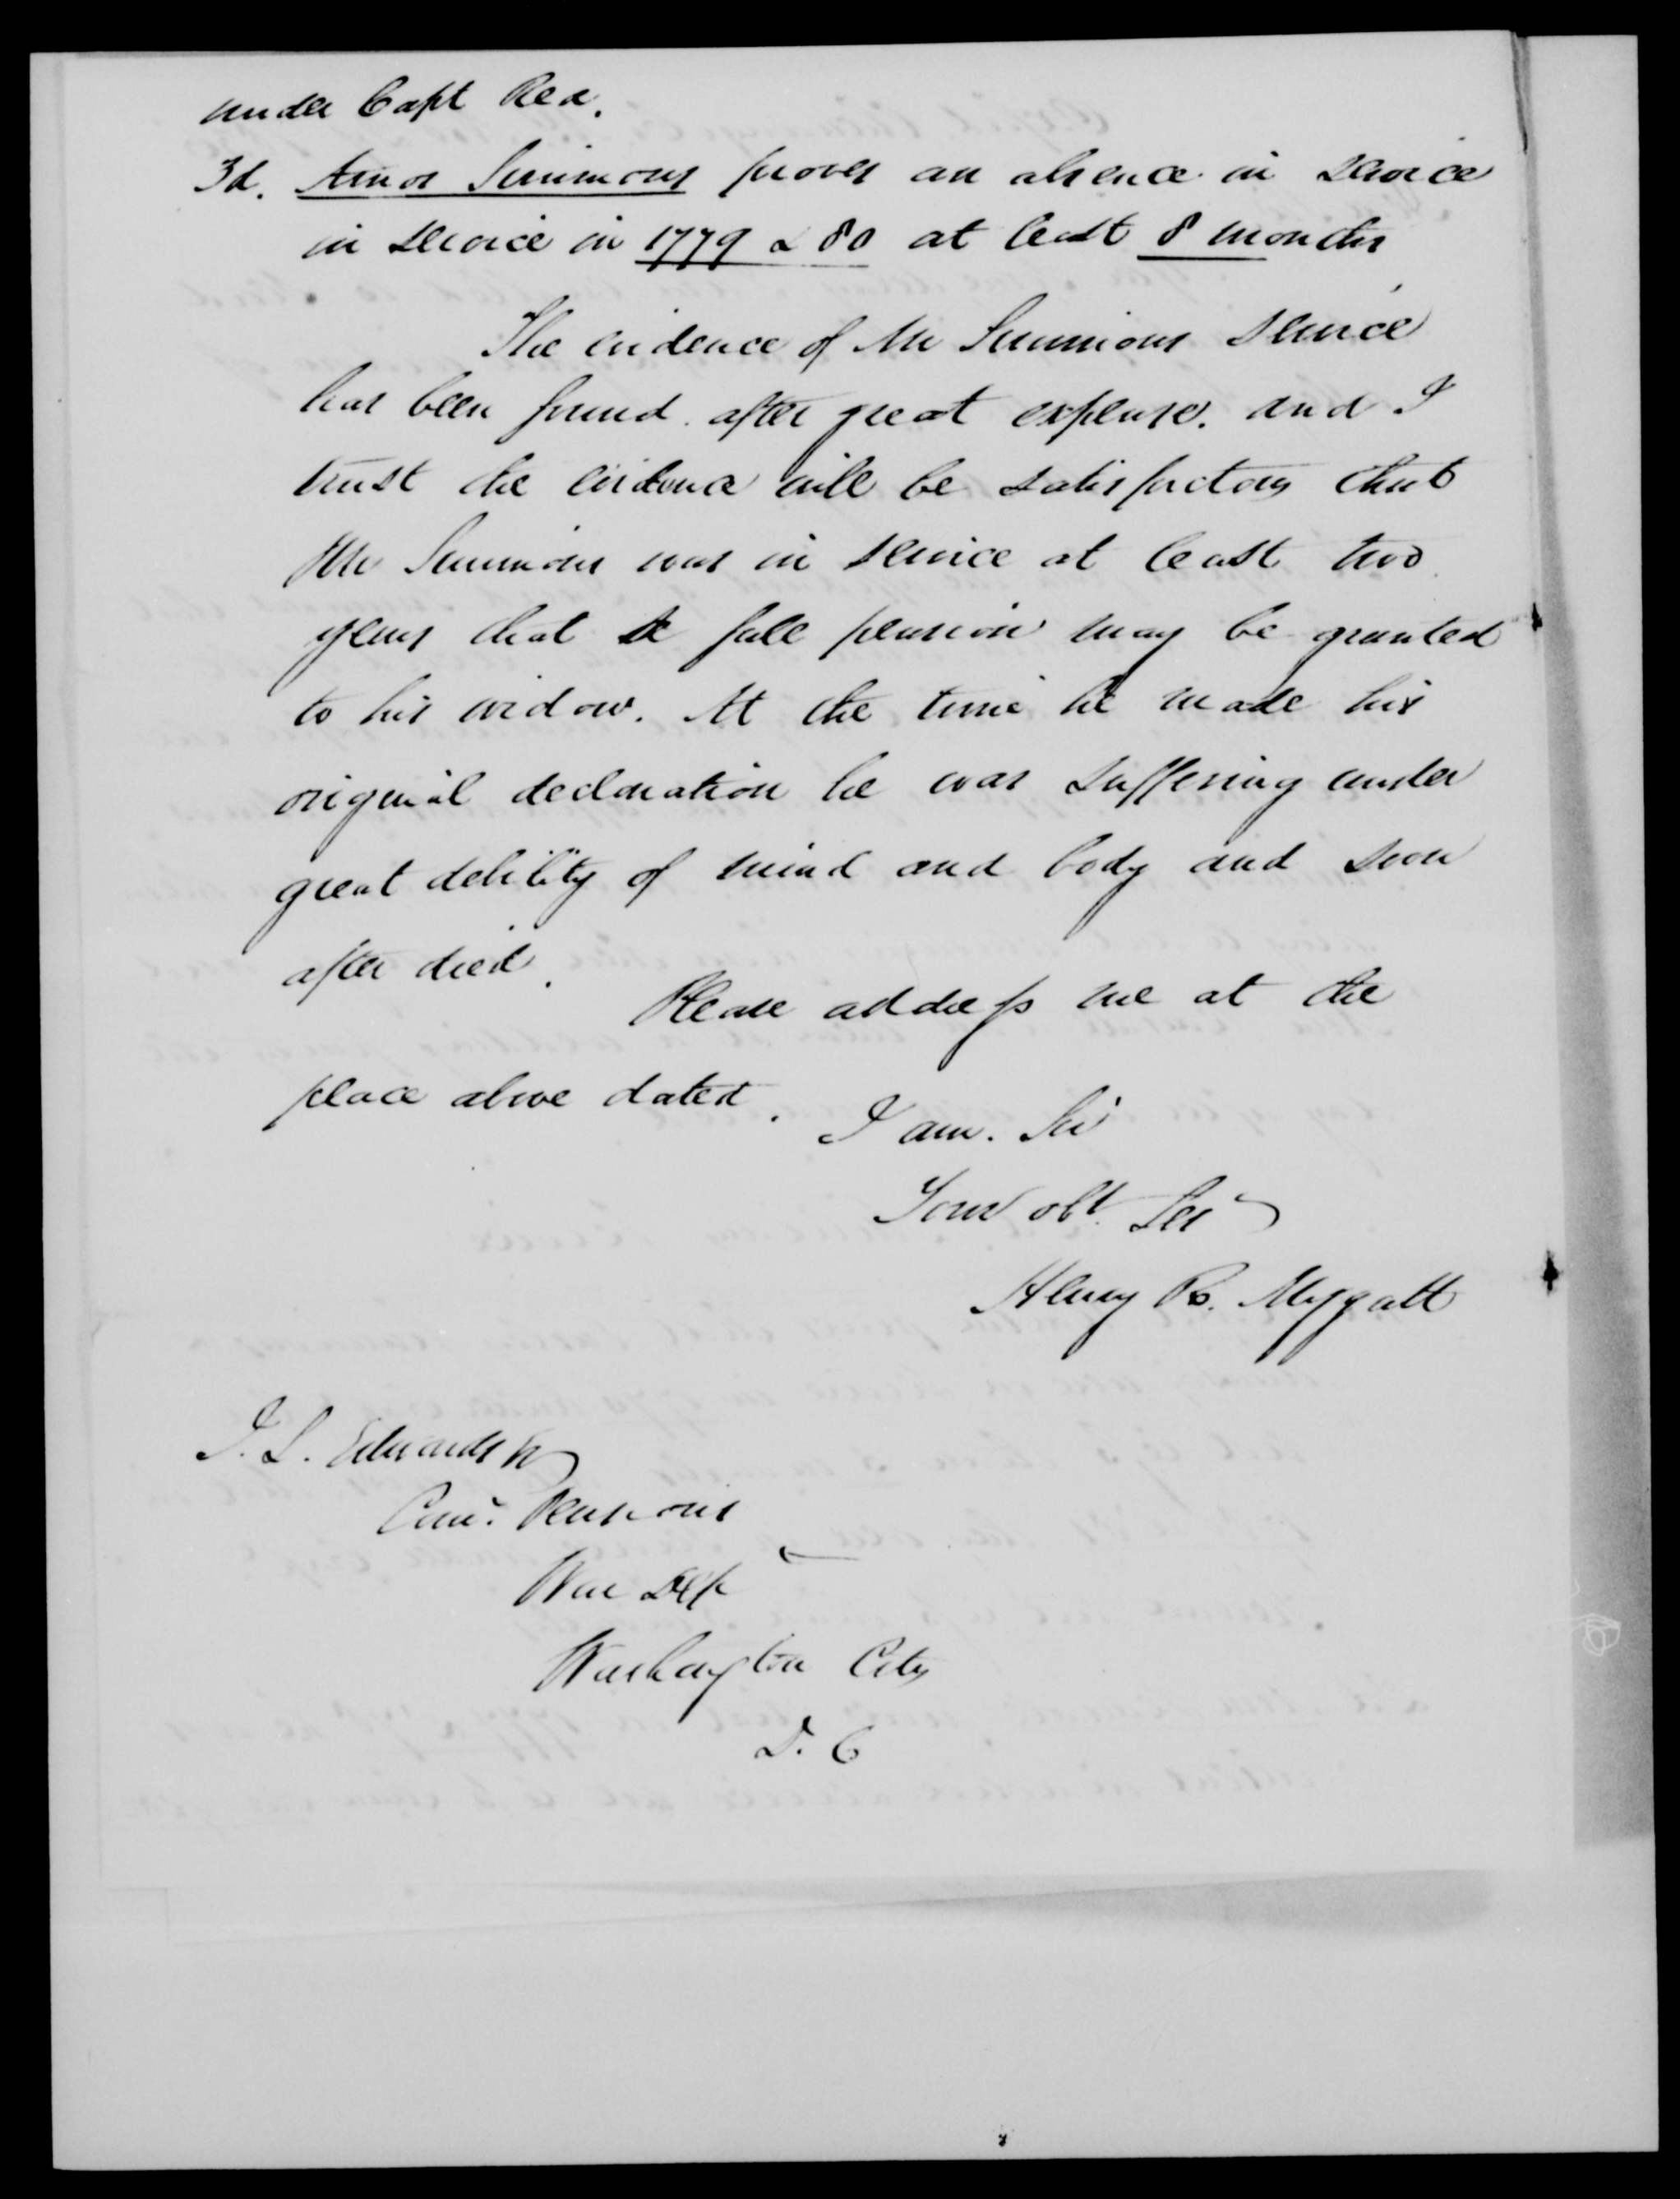under Capt. Red.
3d. Amos Simmons proves an absence in service in record in 1779 & 80 at least 8 months.

The evidence of the Simmons service has been proved after great expense and I trust the evidence will be satisfactory that Mr. Simmons was in service at least two years that a full pension may be granted to his widow. At the time he made his original declarastion he was suffering under great debility of mind and body and soon after died.

Please address me at the place above dated.
I am [illegible] your obt. Serv. Henry R. Mygatt

J.L. Edwards
Com. Pensions
War Dept.
Washington City D. C.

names: Henry R Mygatt; J L Edwards; [BLANK] Red; Amos Simmons; [BLANK] Simmons; [BLANK] Simmons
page: 19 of 29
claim: widow's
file: W. 19,032, for Ensley Simmons, New York